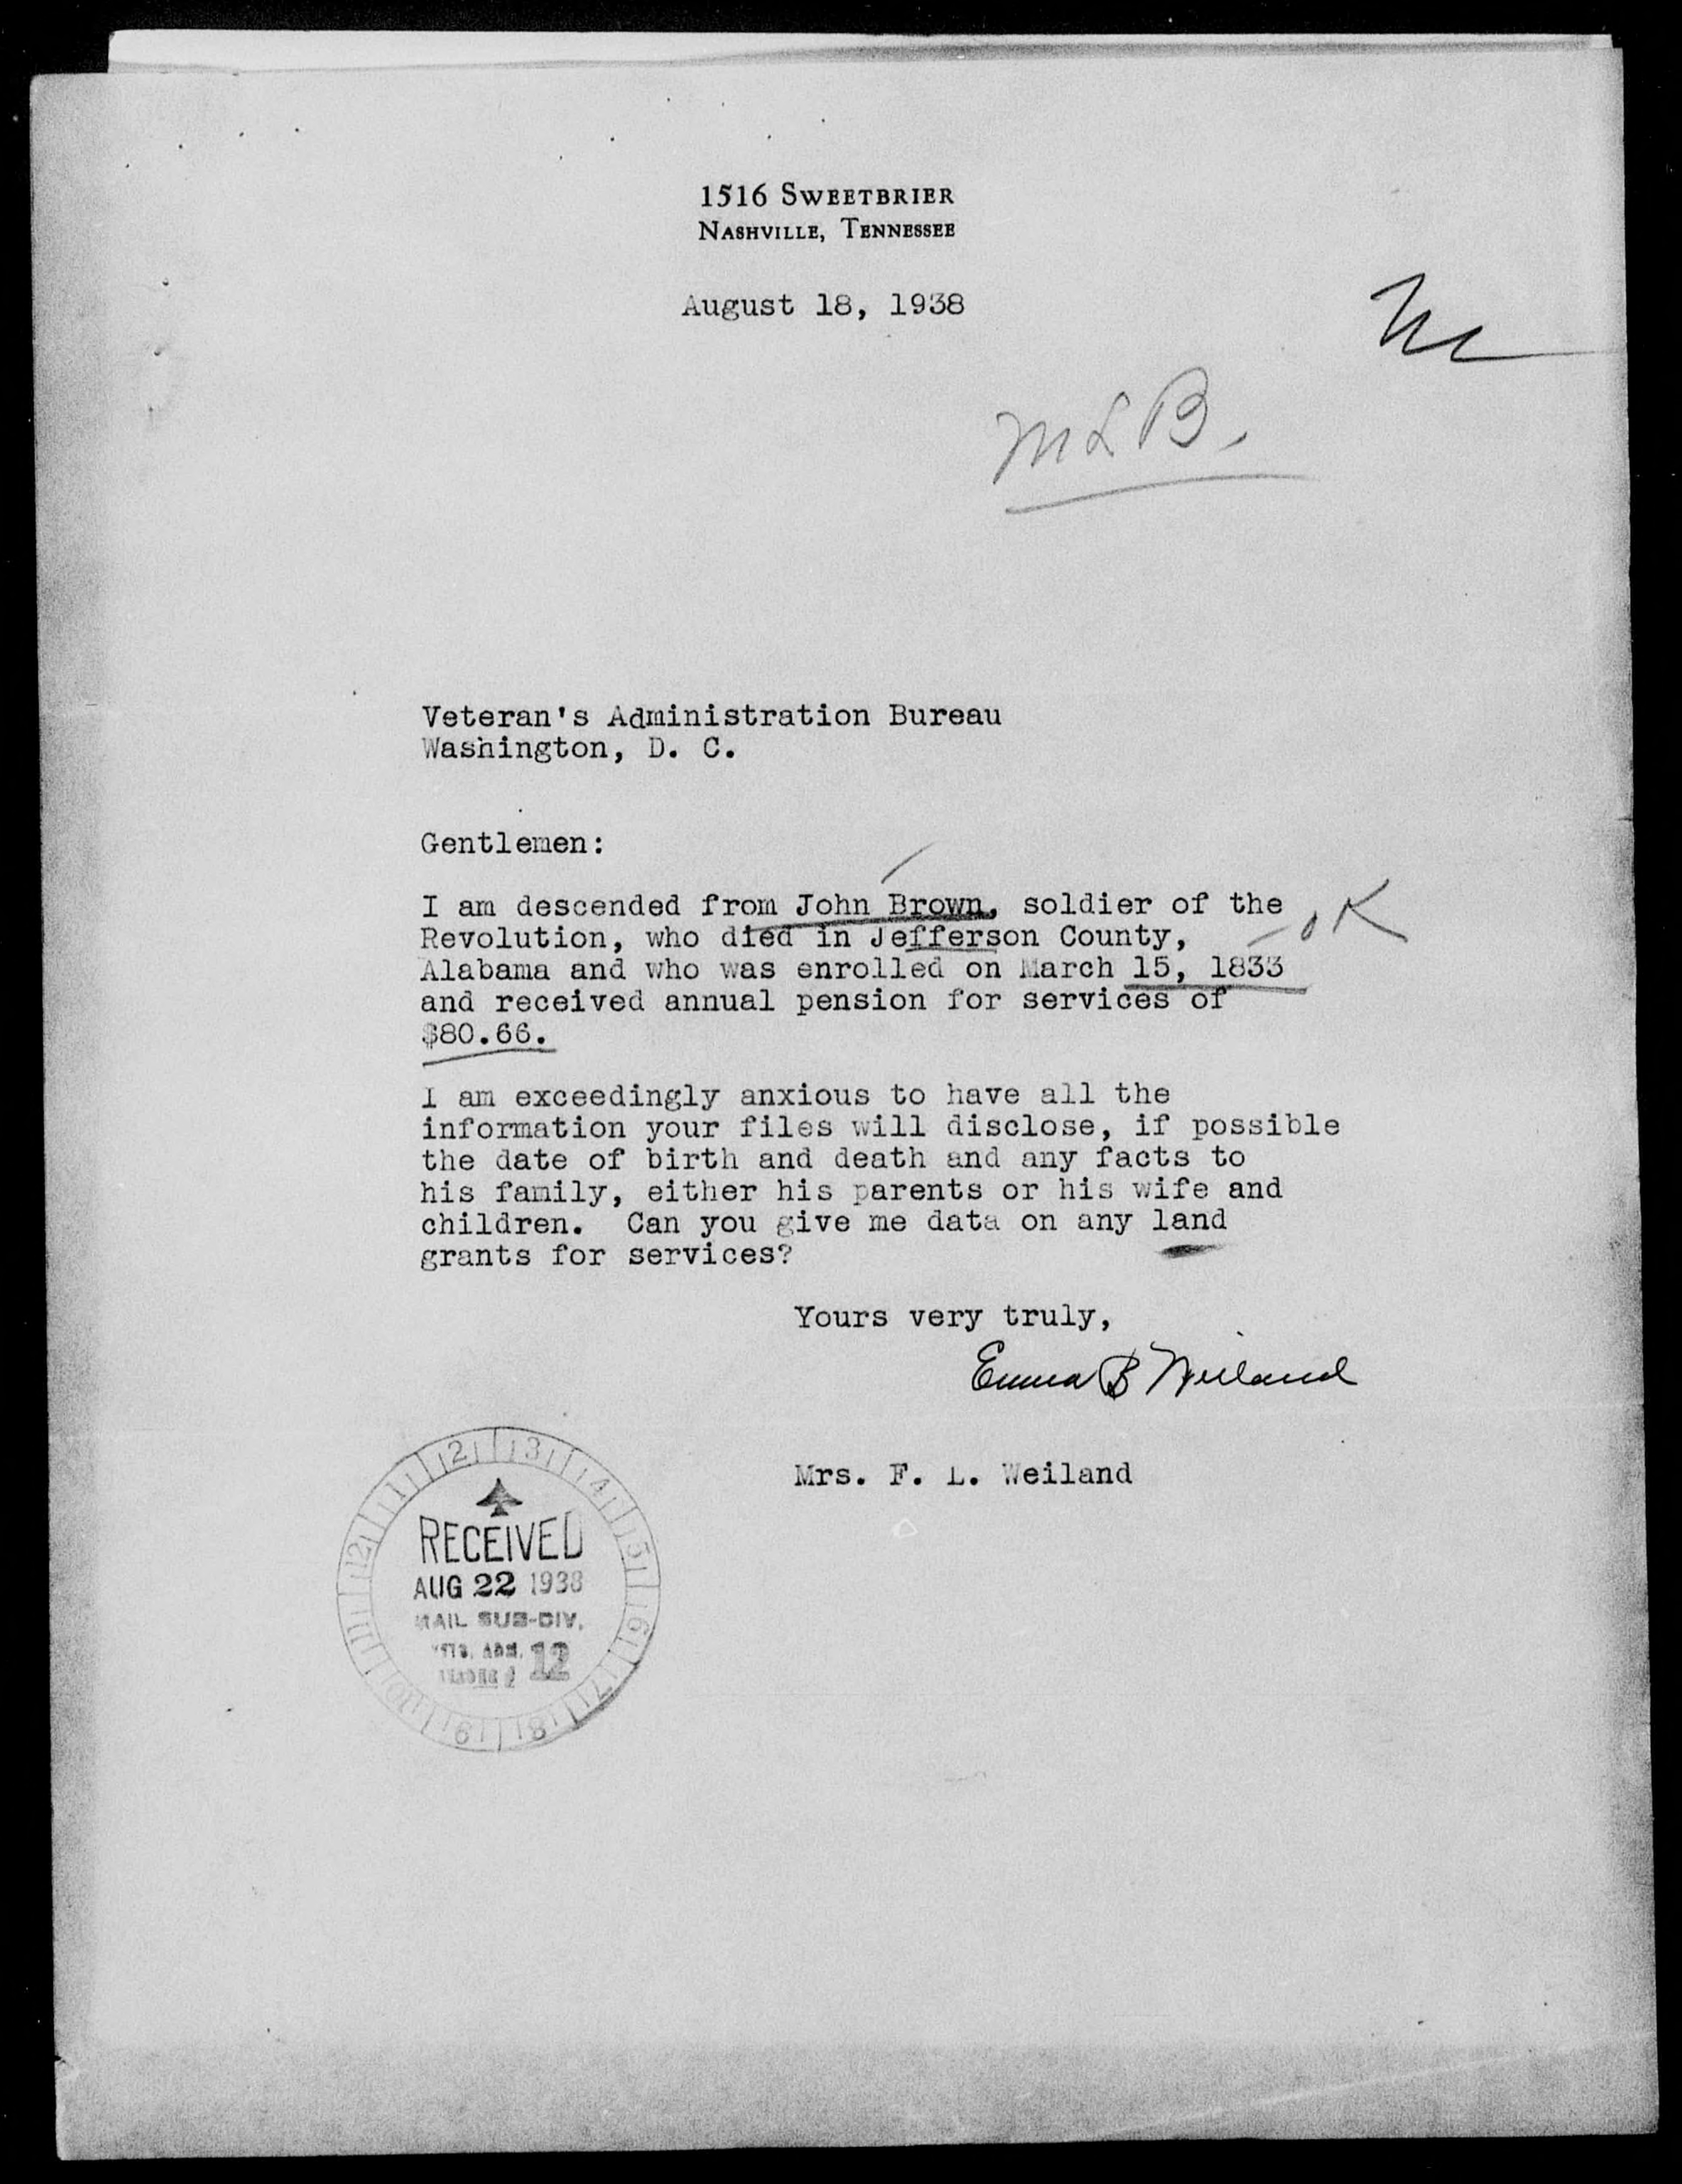1516 Sweetbrier
Nashville, Tennessee

August 18, 1938

Veteran's Administration Bureau
Washington, D. C.

Gentlemen:

I am descended from John Brown soldier of the
Revolution, who died in Jefferson County,
Alabama and who was enrolled on March 15, 1833
and received annual pension for services of
$80.66.

I am exceedingly anxious to have all the
information your files will disclose, if possible
the date of birth and death and any facts to
his family, either his parents or his wife and
children. Can you give me data on any land
grants for services?

Yours very truly,
Emma B Weiland [signature]
Mrs. F. L. Weiland


Time Stamp
2:30
arrow
RECEIVED
Aug 22 1933
MAIL SUB-DIV.
[illegible]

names: Enma B Weiland, F L Weiland, John Brown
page: 41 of 85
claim: widow's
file: W. 5,906, John Brown, S.C.